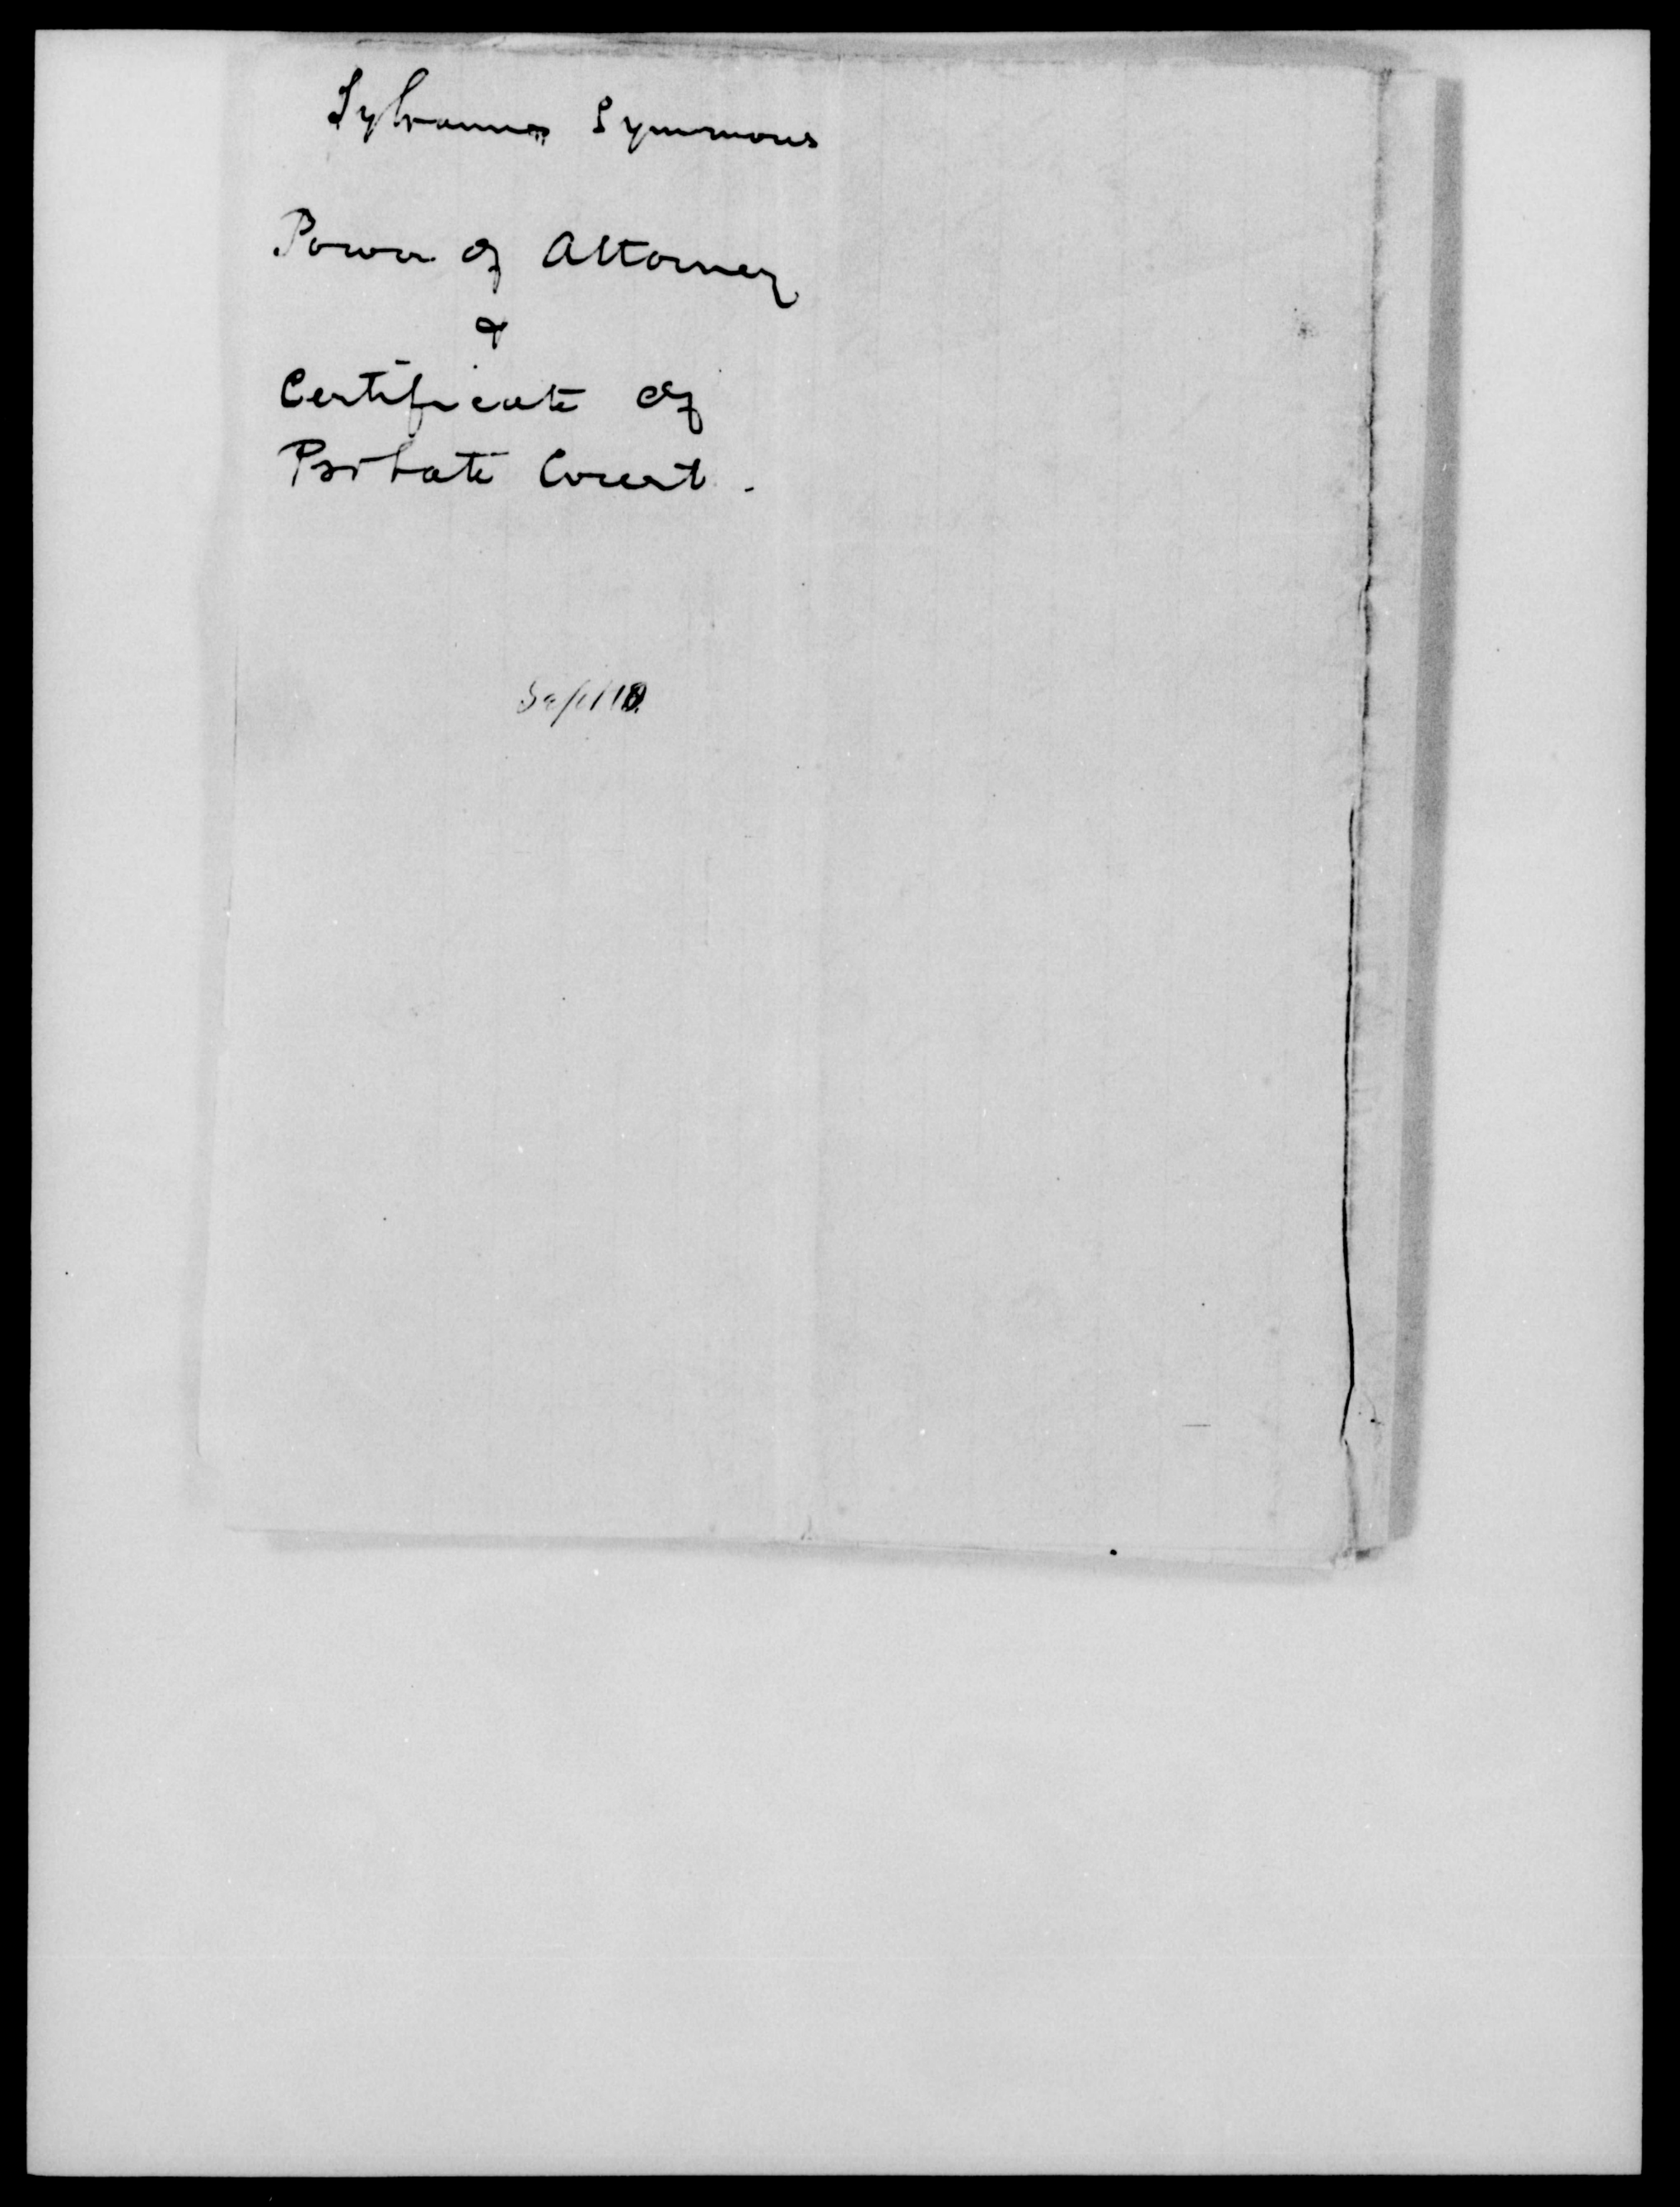Sylvanus Symmons
Power of Attorney
&
Certificate of
Probate Court
Sept 10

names: Sylvanus Symmons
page: 10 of 31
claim: survivor's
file: S. 14484, for Sylvanus Simmons, New York